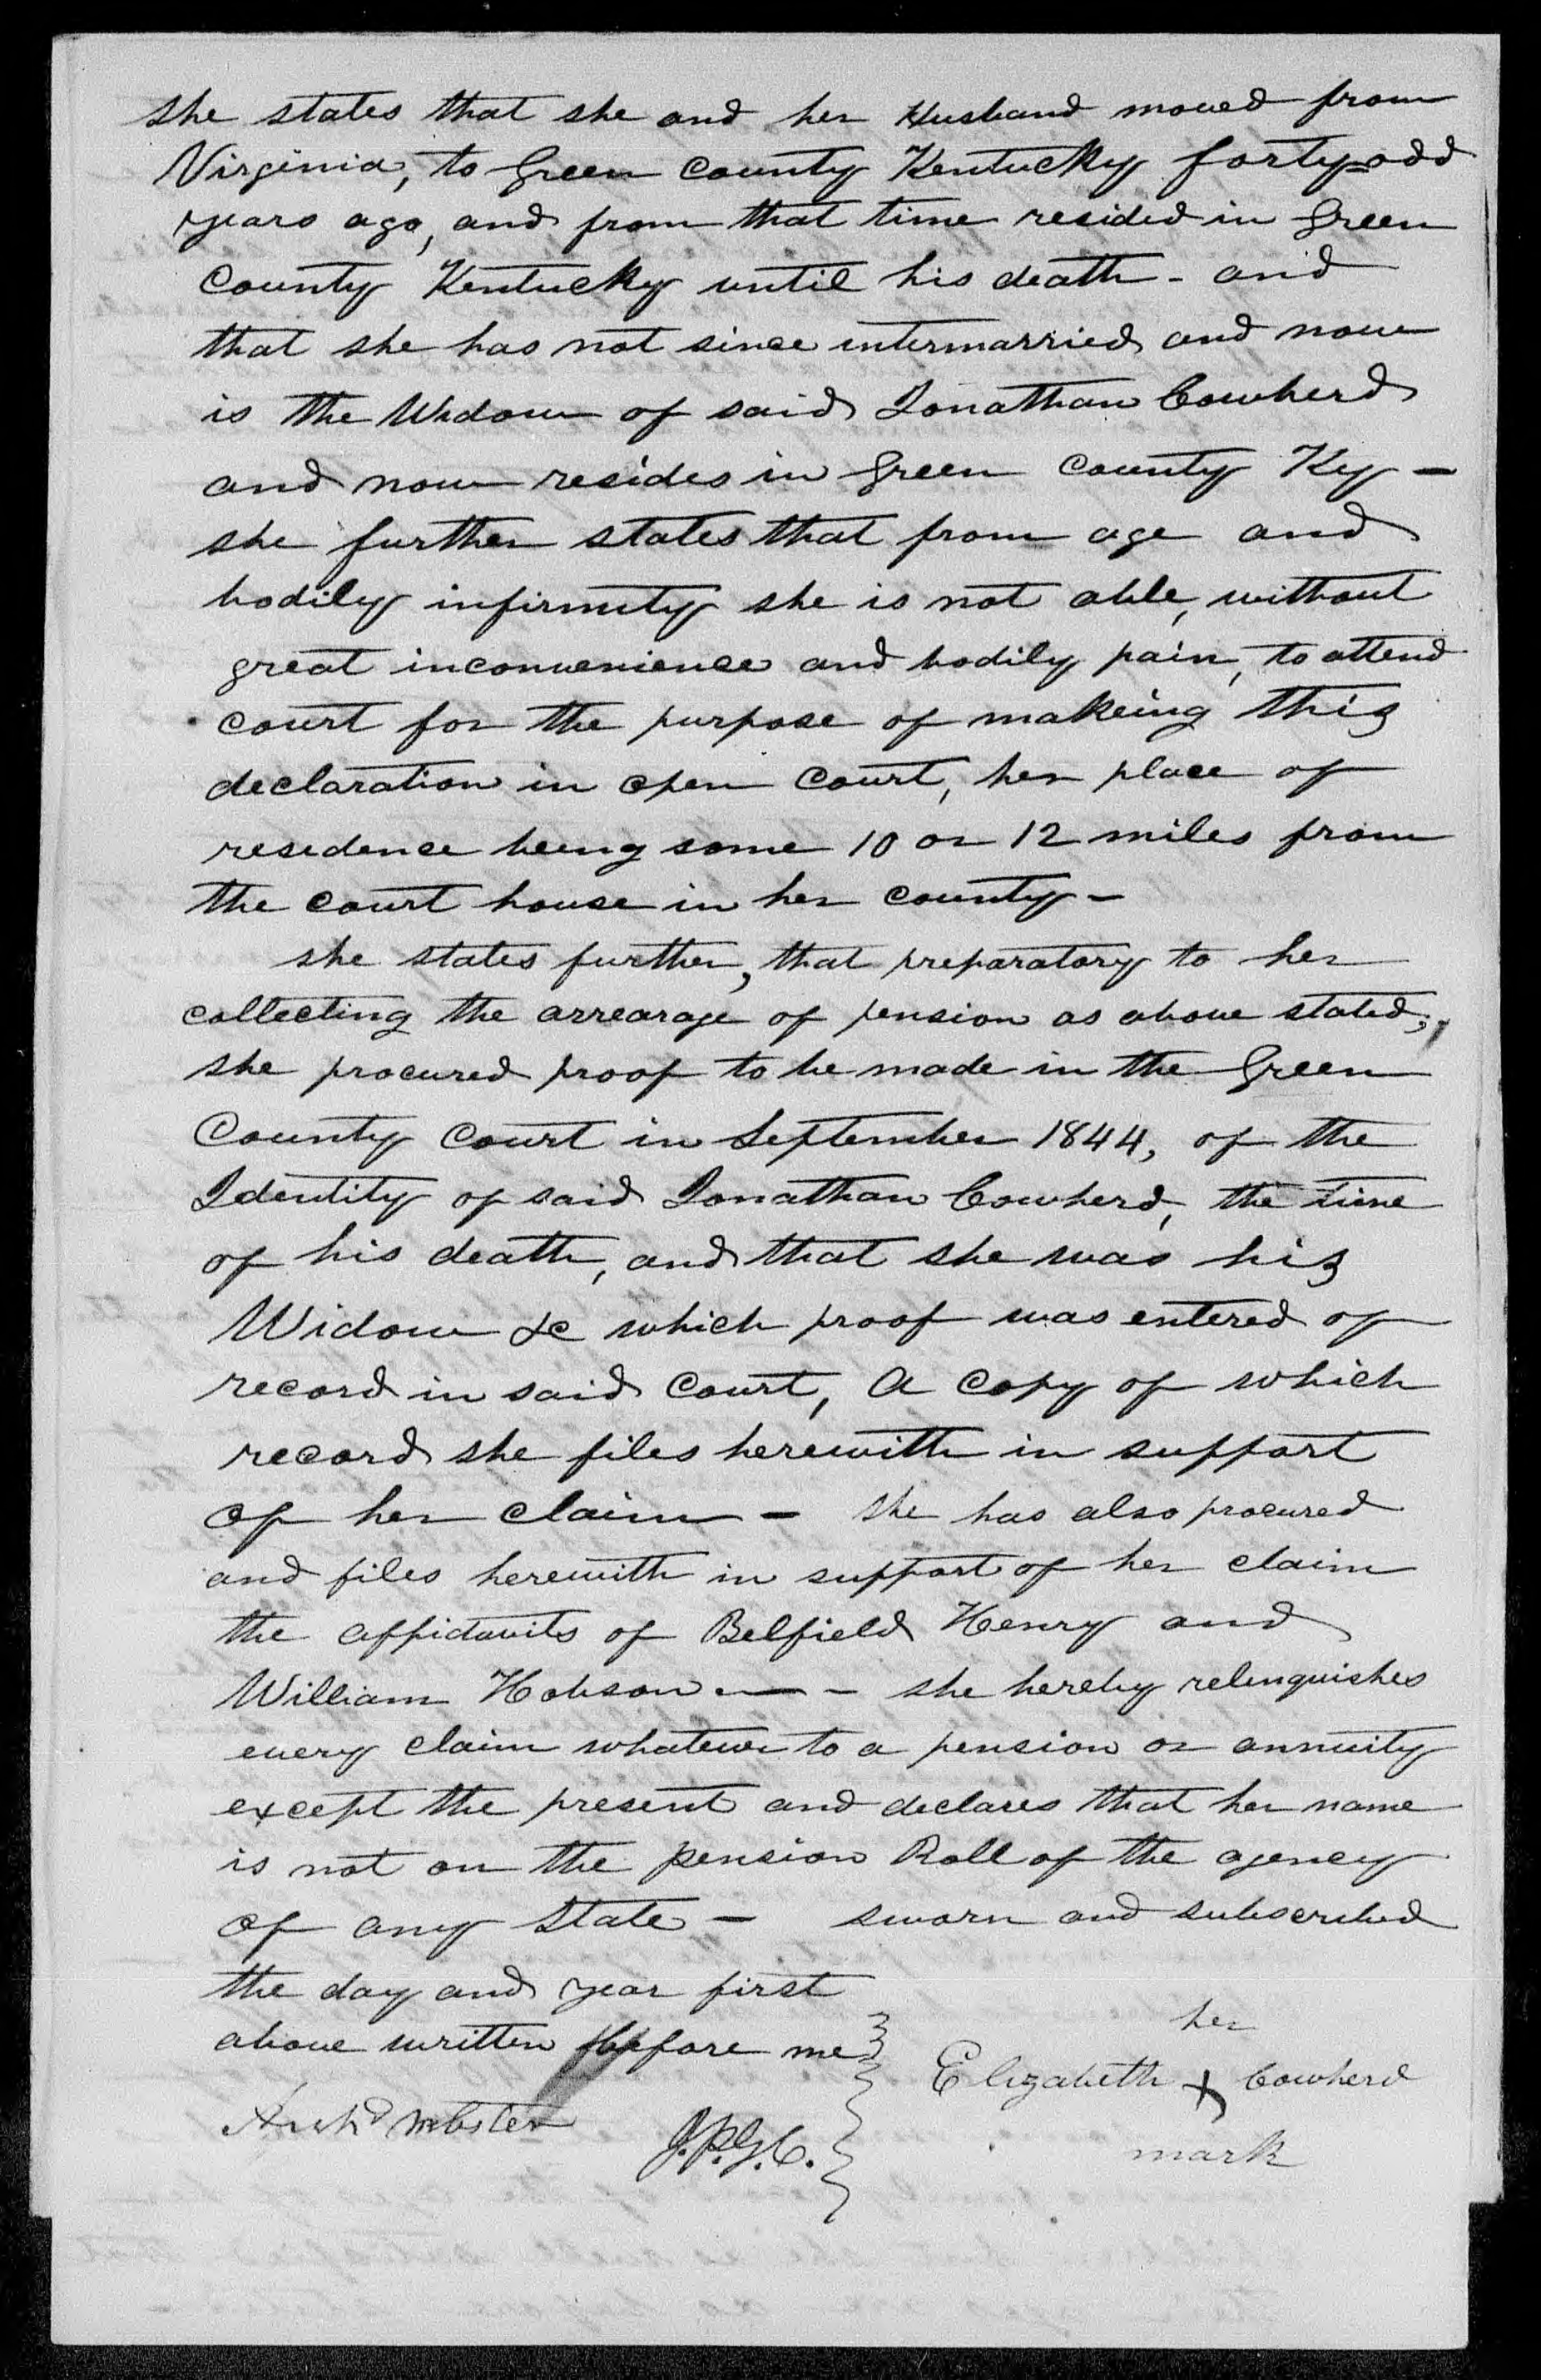she states that she and her Husband moved from Virginia, to Green County Kentucky forty odd years ago, and from that time resided in Green County Kentucky until his death and that she has not since intermarried and now is the widow of said Jonathan Cowherd and now resides in Green County Ky - she further states that from age and bodily infirmity she is not able, without great inconvenience and bodily pain to attend Court for the purpose of making this declaration in open Court, her place of residence being some 10 or 12 miles from the Court house in her county - she states further, that preparatory to her collecting the arrearage of pension as above stated, she procured proof to be made in the Green County Court in September 1844, of the Identity of said Jonathan Cowherd the time of his death, and that she was his Widow &c which proof was entered of record in said Court, a copy of which record she files herewith in support of her claim. she has also procured and files herewith in support of her claim the affidavits of Belfield Henry and William Hobson-- she hereby relinquishes every claim whatever to a pension or annuity except the present and declares that her name is not on the pension Roll of the agency of any State - sworn and subscribed
the day and year first
above written before me
Arch'd Webster J.P.G.C.
her
Elizabeth x Cowherd
mark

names: William Hobson, Jonathan Cowherd, Elizabeth Cowherd, Archd Webster, Jonathan Cowherd, Belfield Henry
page: 11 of 46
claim: widow's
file: W 8619, Jonathan Cowherd, Va.